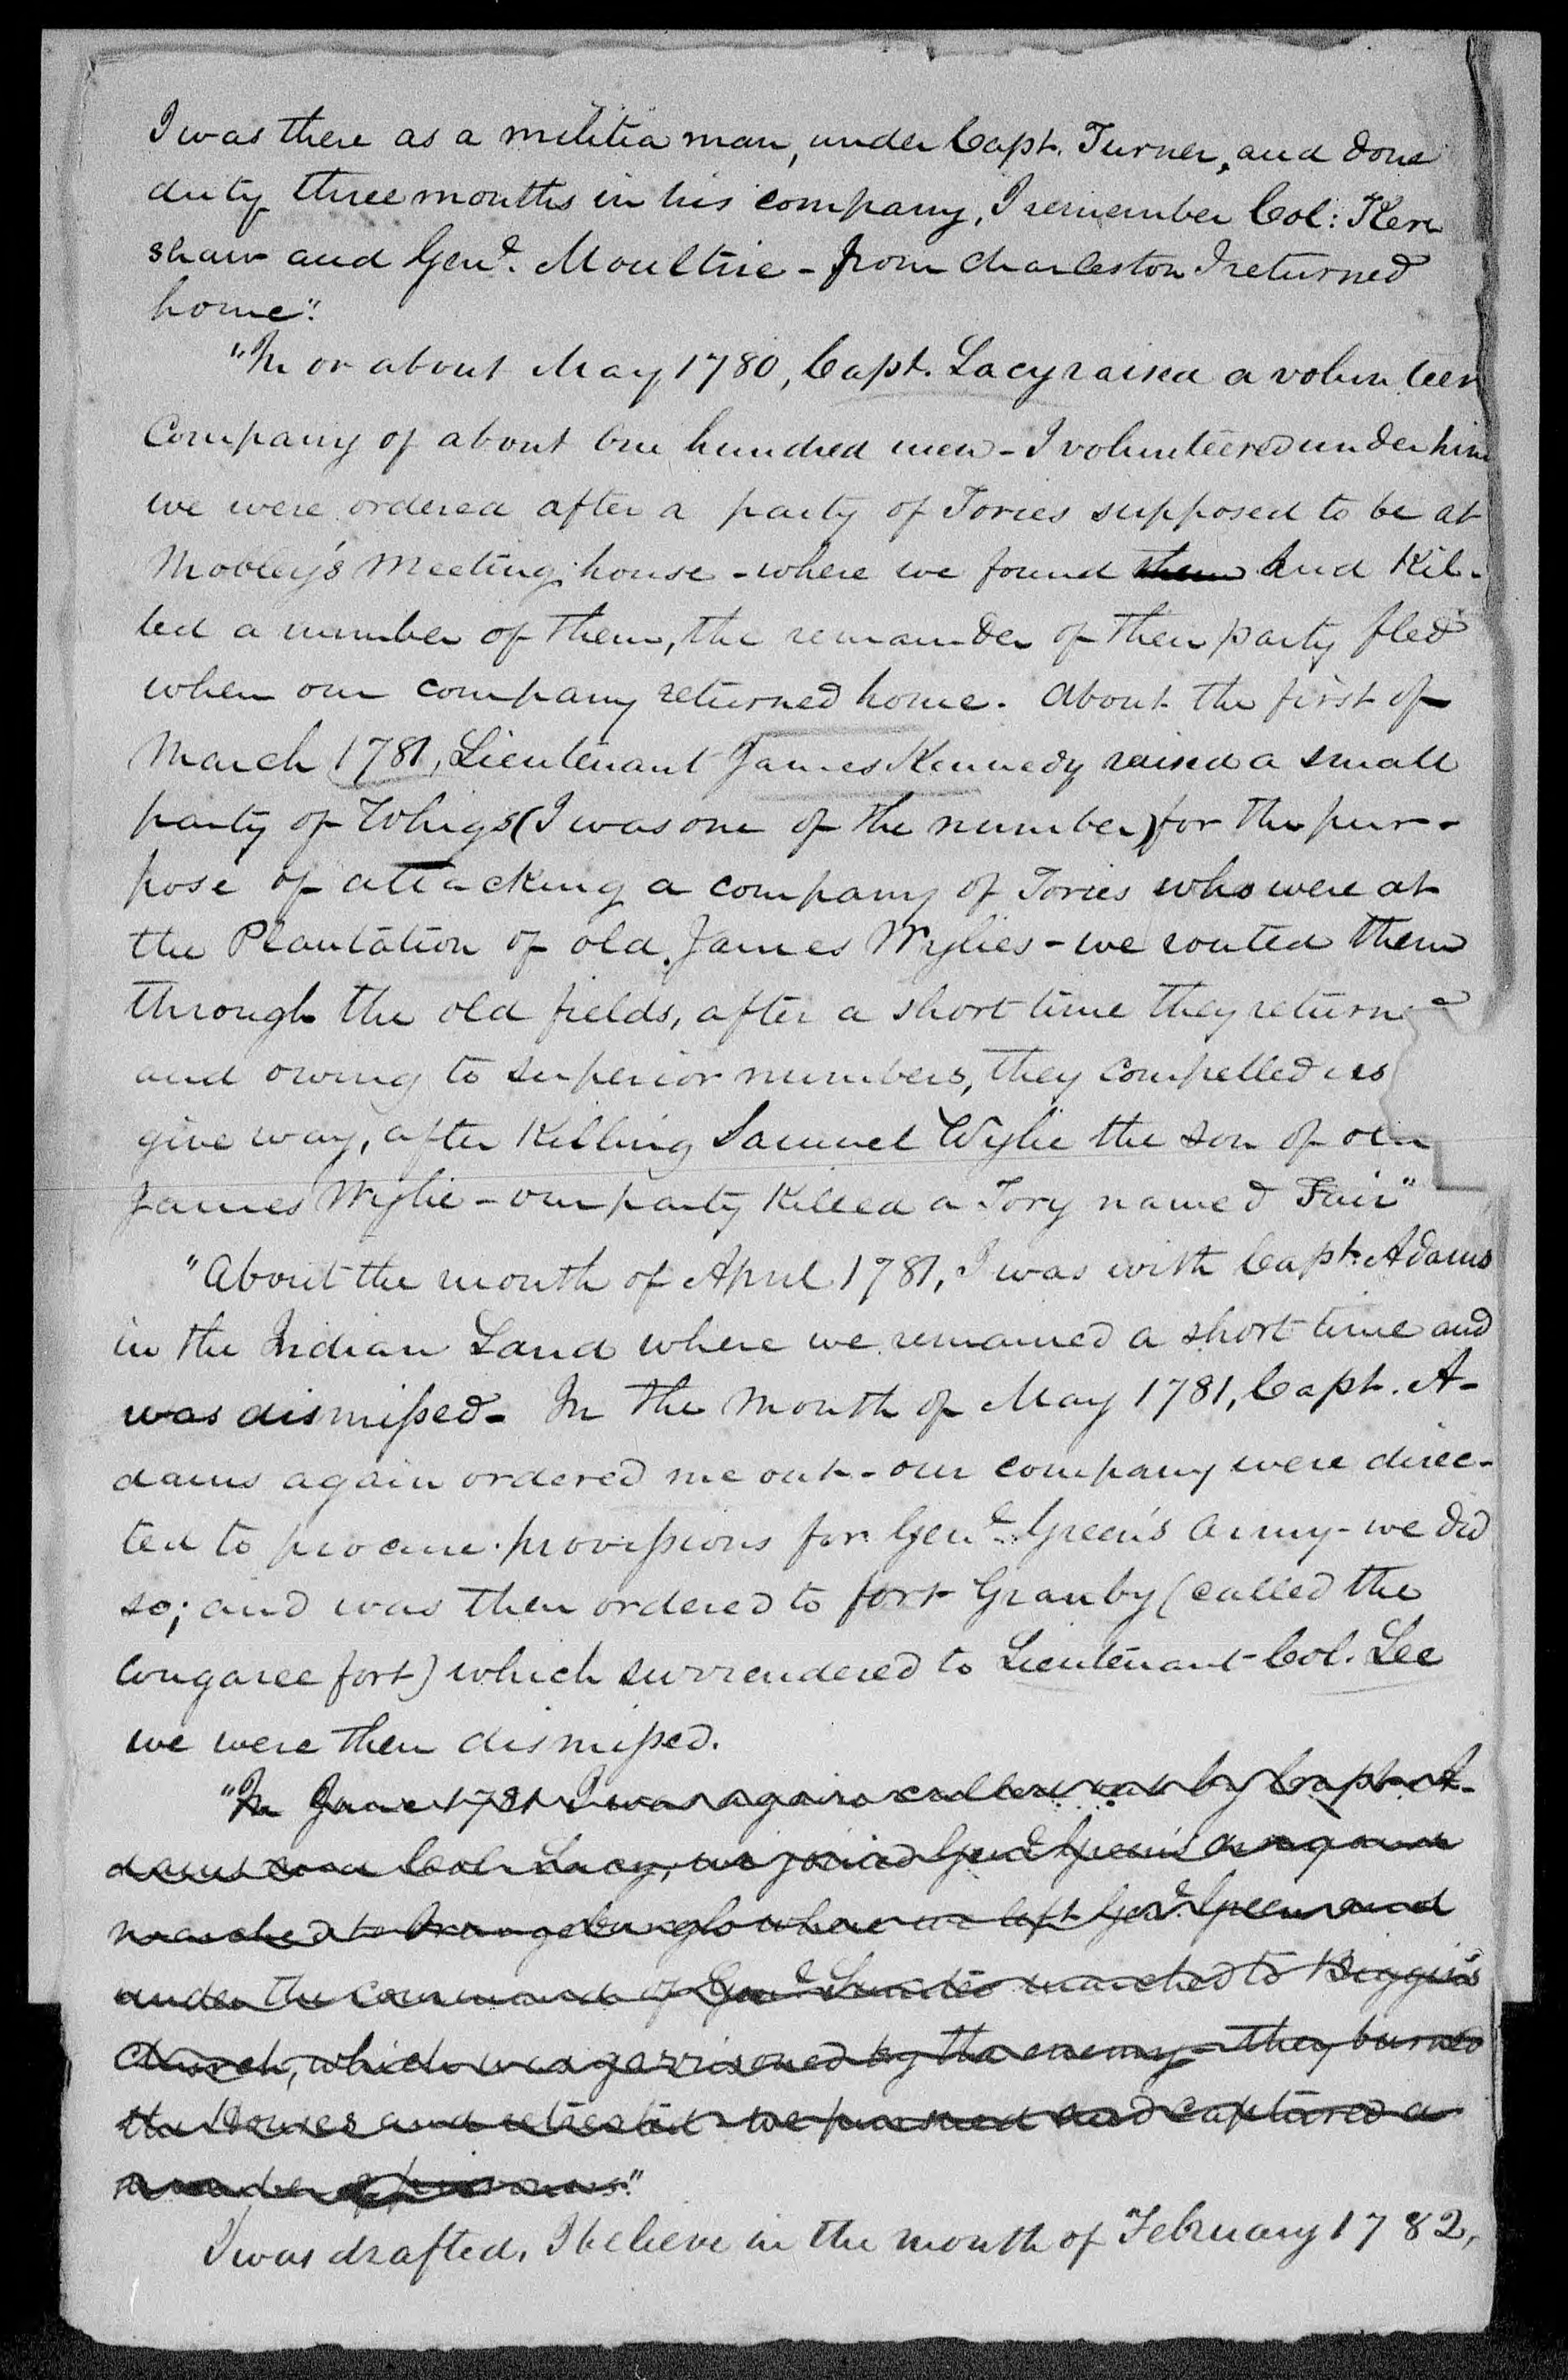I was there as a militia man, under Capt. Turner, and done duty three months in his company, I remember Col. Kenshaw and Genl Moultrie from Charleston I returned home."

"In about May 1780, Capt. Lacy raised a volunteer Company of about one hundred men. I volunteered under him we were ordered after a party of Tories supposed to be at Mobley's meeting house, where we found them and killed a number of them, the remainder of their party fled when our company returned home. About the first of March 1781, Lieutenant James Kennedy raised a small party of Whigs (I was one of the member) for the purpose of attacking a company of Tories who were at the Plantation of old James Wylies. We routed them through the old fields, after a short time they returned and owing to superior numbers, they compelled us give way, after killing Samuel Wylie the son of old James Wylie. Our party killed a Tory named Fair."

"About the month of April 1787, I was with Capt. Adams in the Indian Land where we remained a short time and was dismissed. In the month of May 1781, Capt. Adams again ordered me out. Our company were directed to procure provissions for Genl Green's army. We did so; and was then ordered to Fort Granby (called the Congaree Fort) which surrendered to Lieutenant Col. Lee. We were then dismissed. 

I was drafted, I believe in the month of February 1782,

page: 11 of 93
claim: widow's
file: W. 21792, for Thomas Mc Clurken, South Carolina